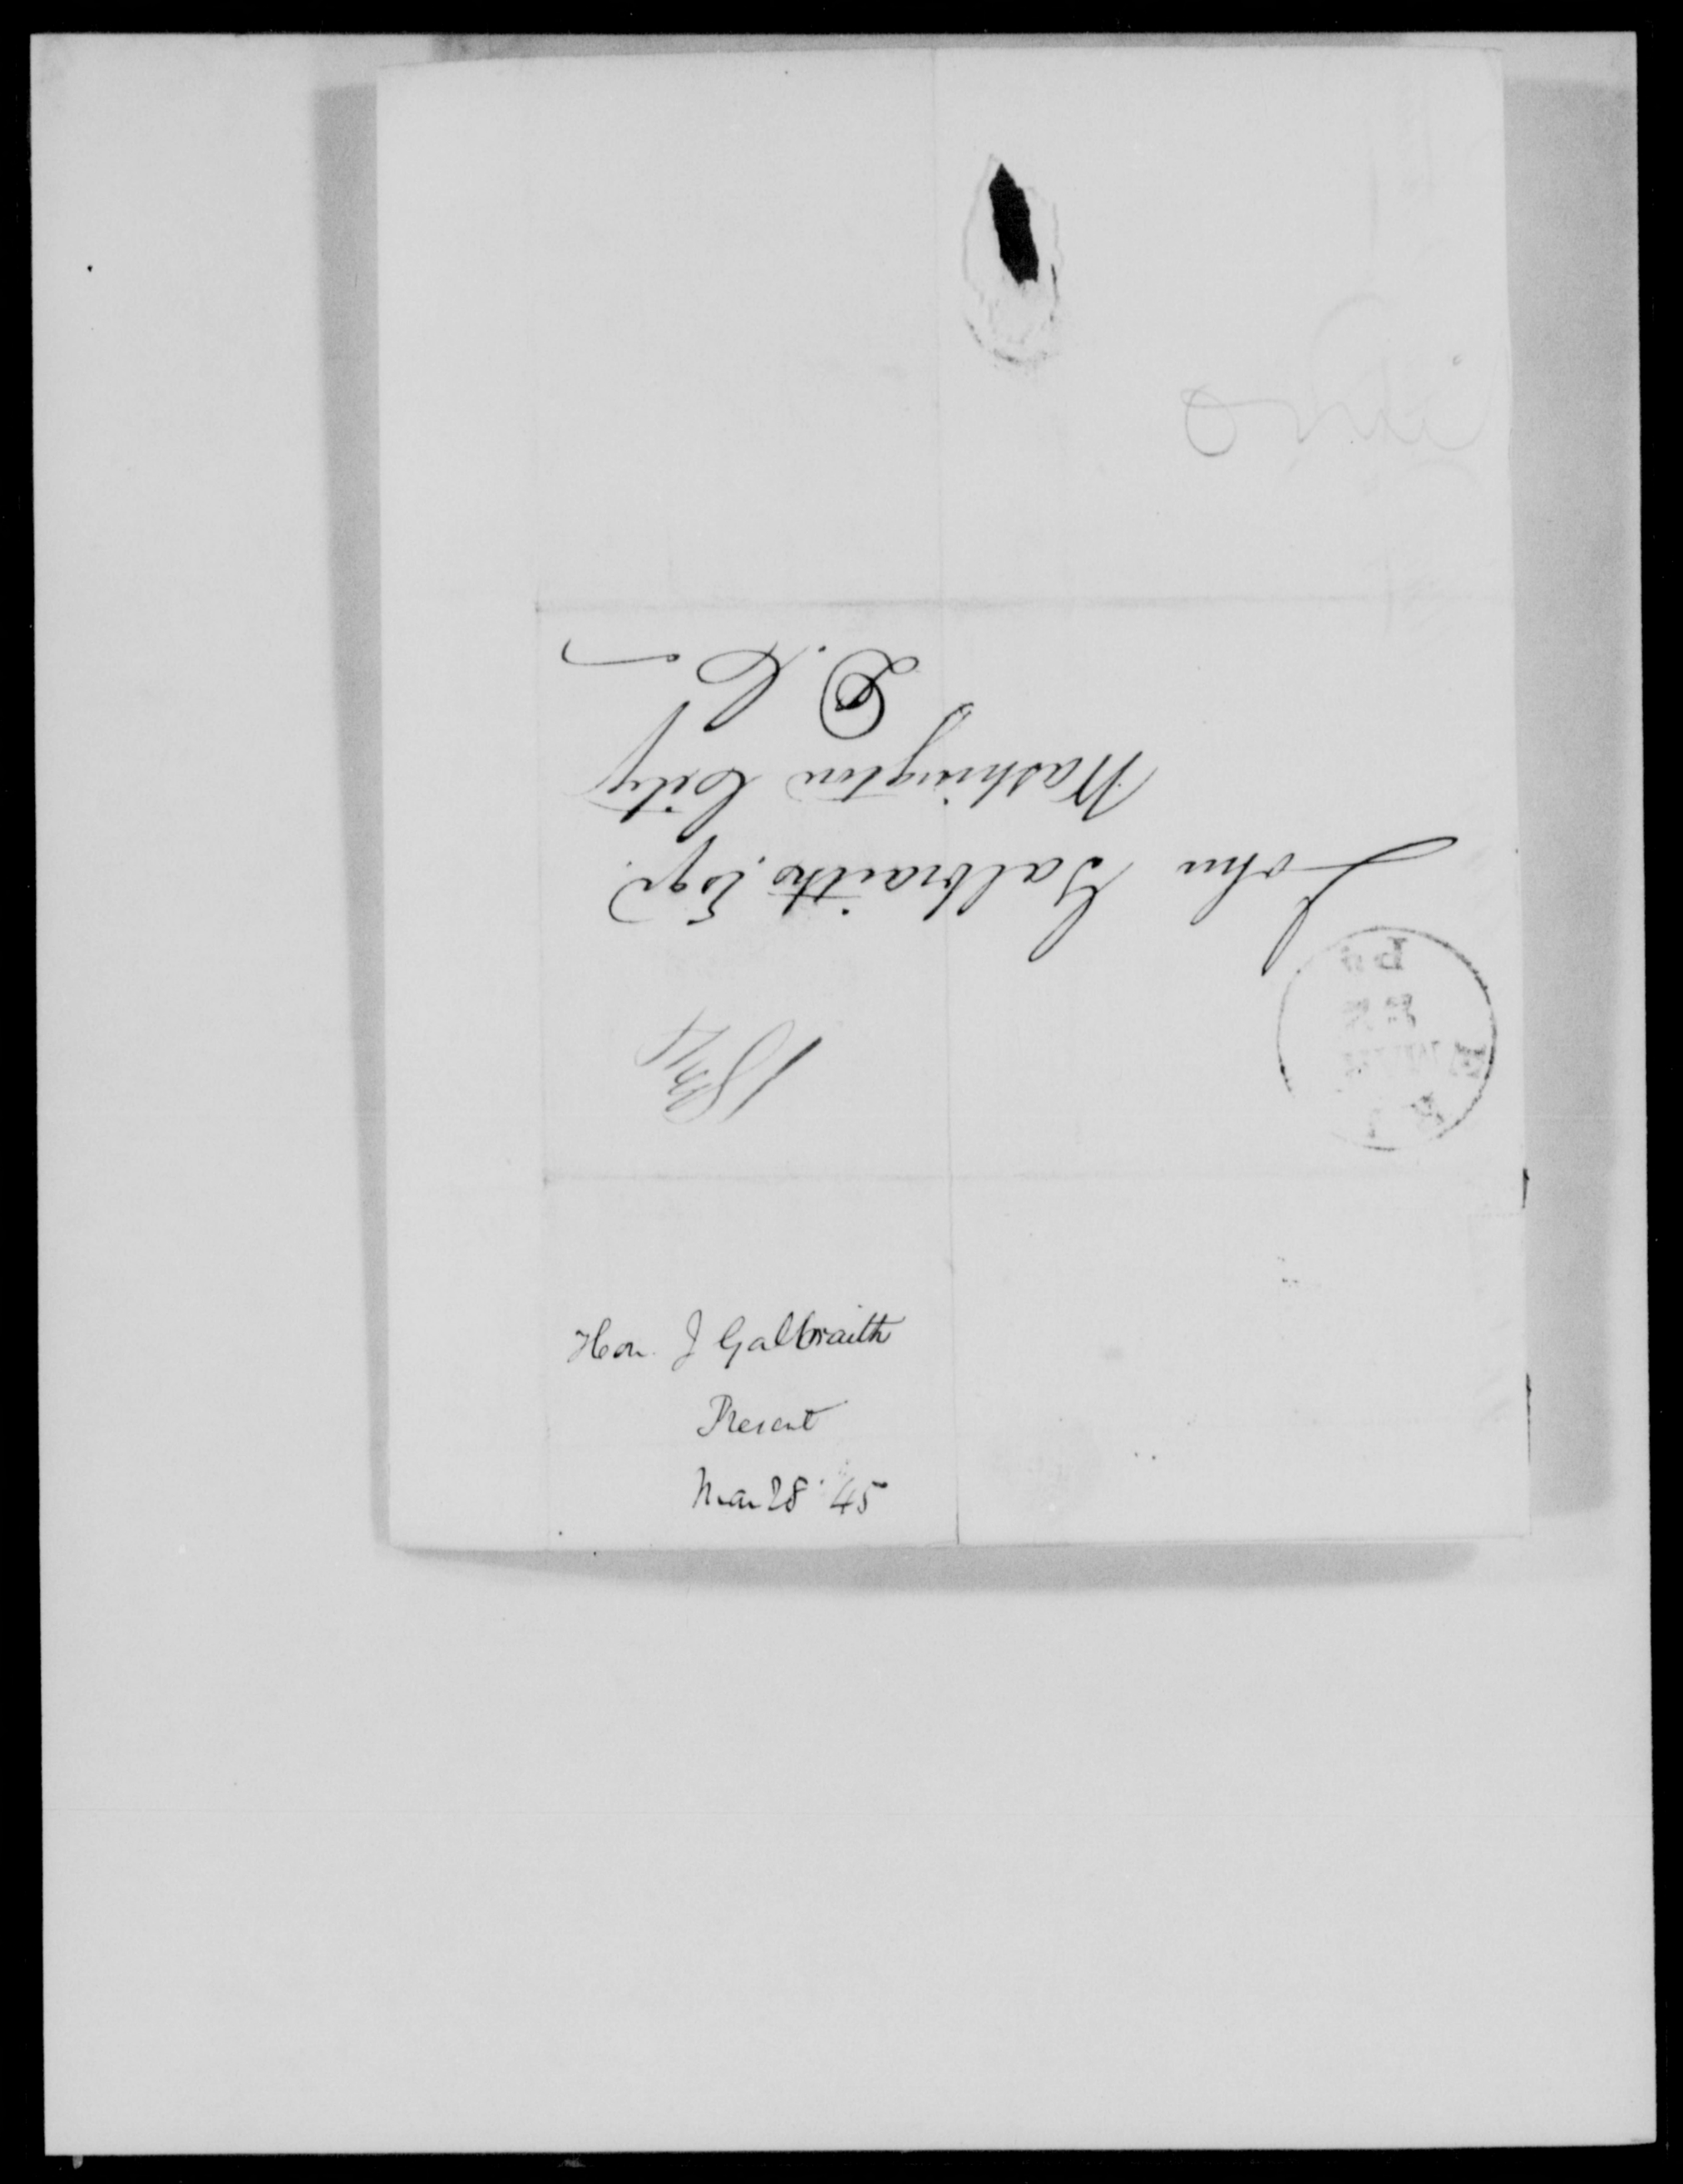John Galbraith Esq.
Washington City
D.C.

{Post Stamp}
Erie PA Mar 22

Hon. J Galbraith
Present
Mar 28 45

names: John Galbraith, J Galbraith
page: 17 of 40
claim: widow's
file: W. 3742, Moses Warner, Conn.